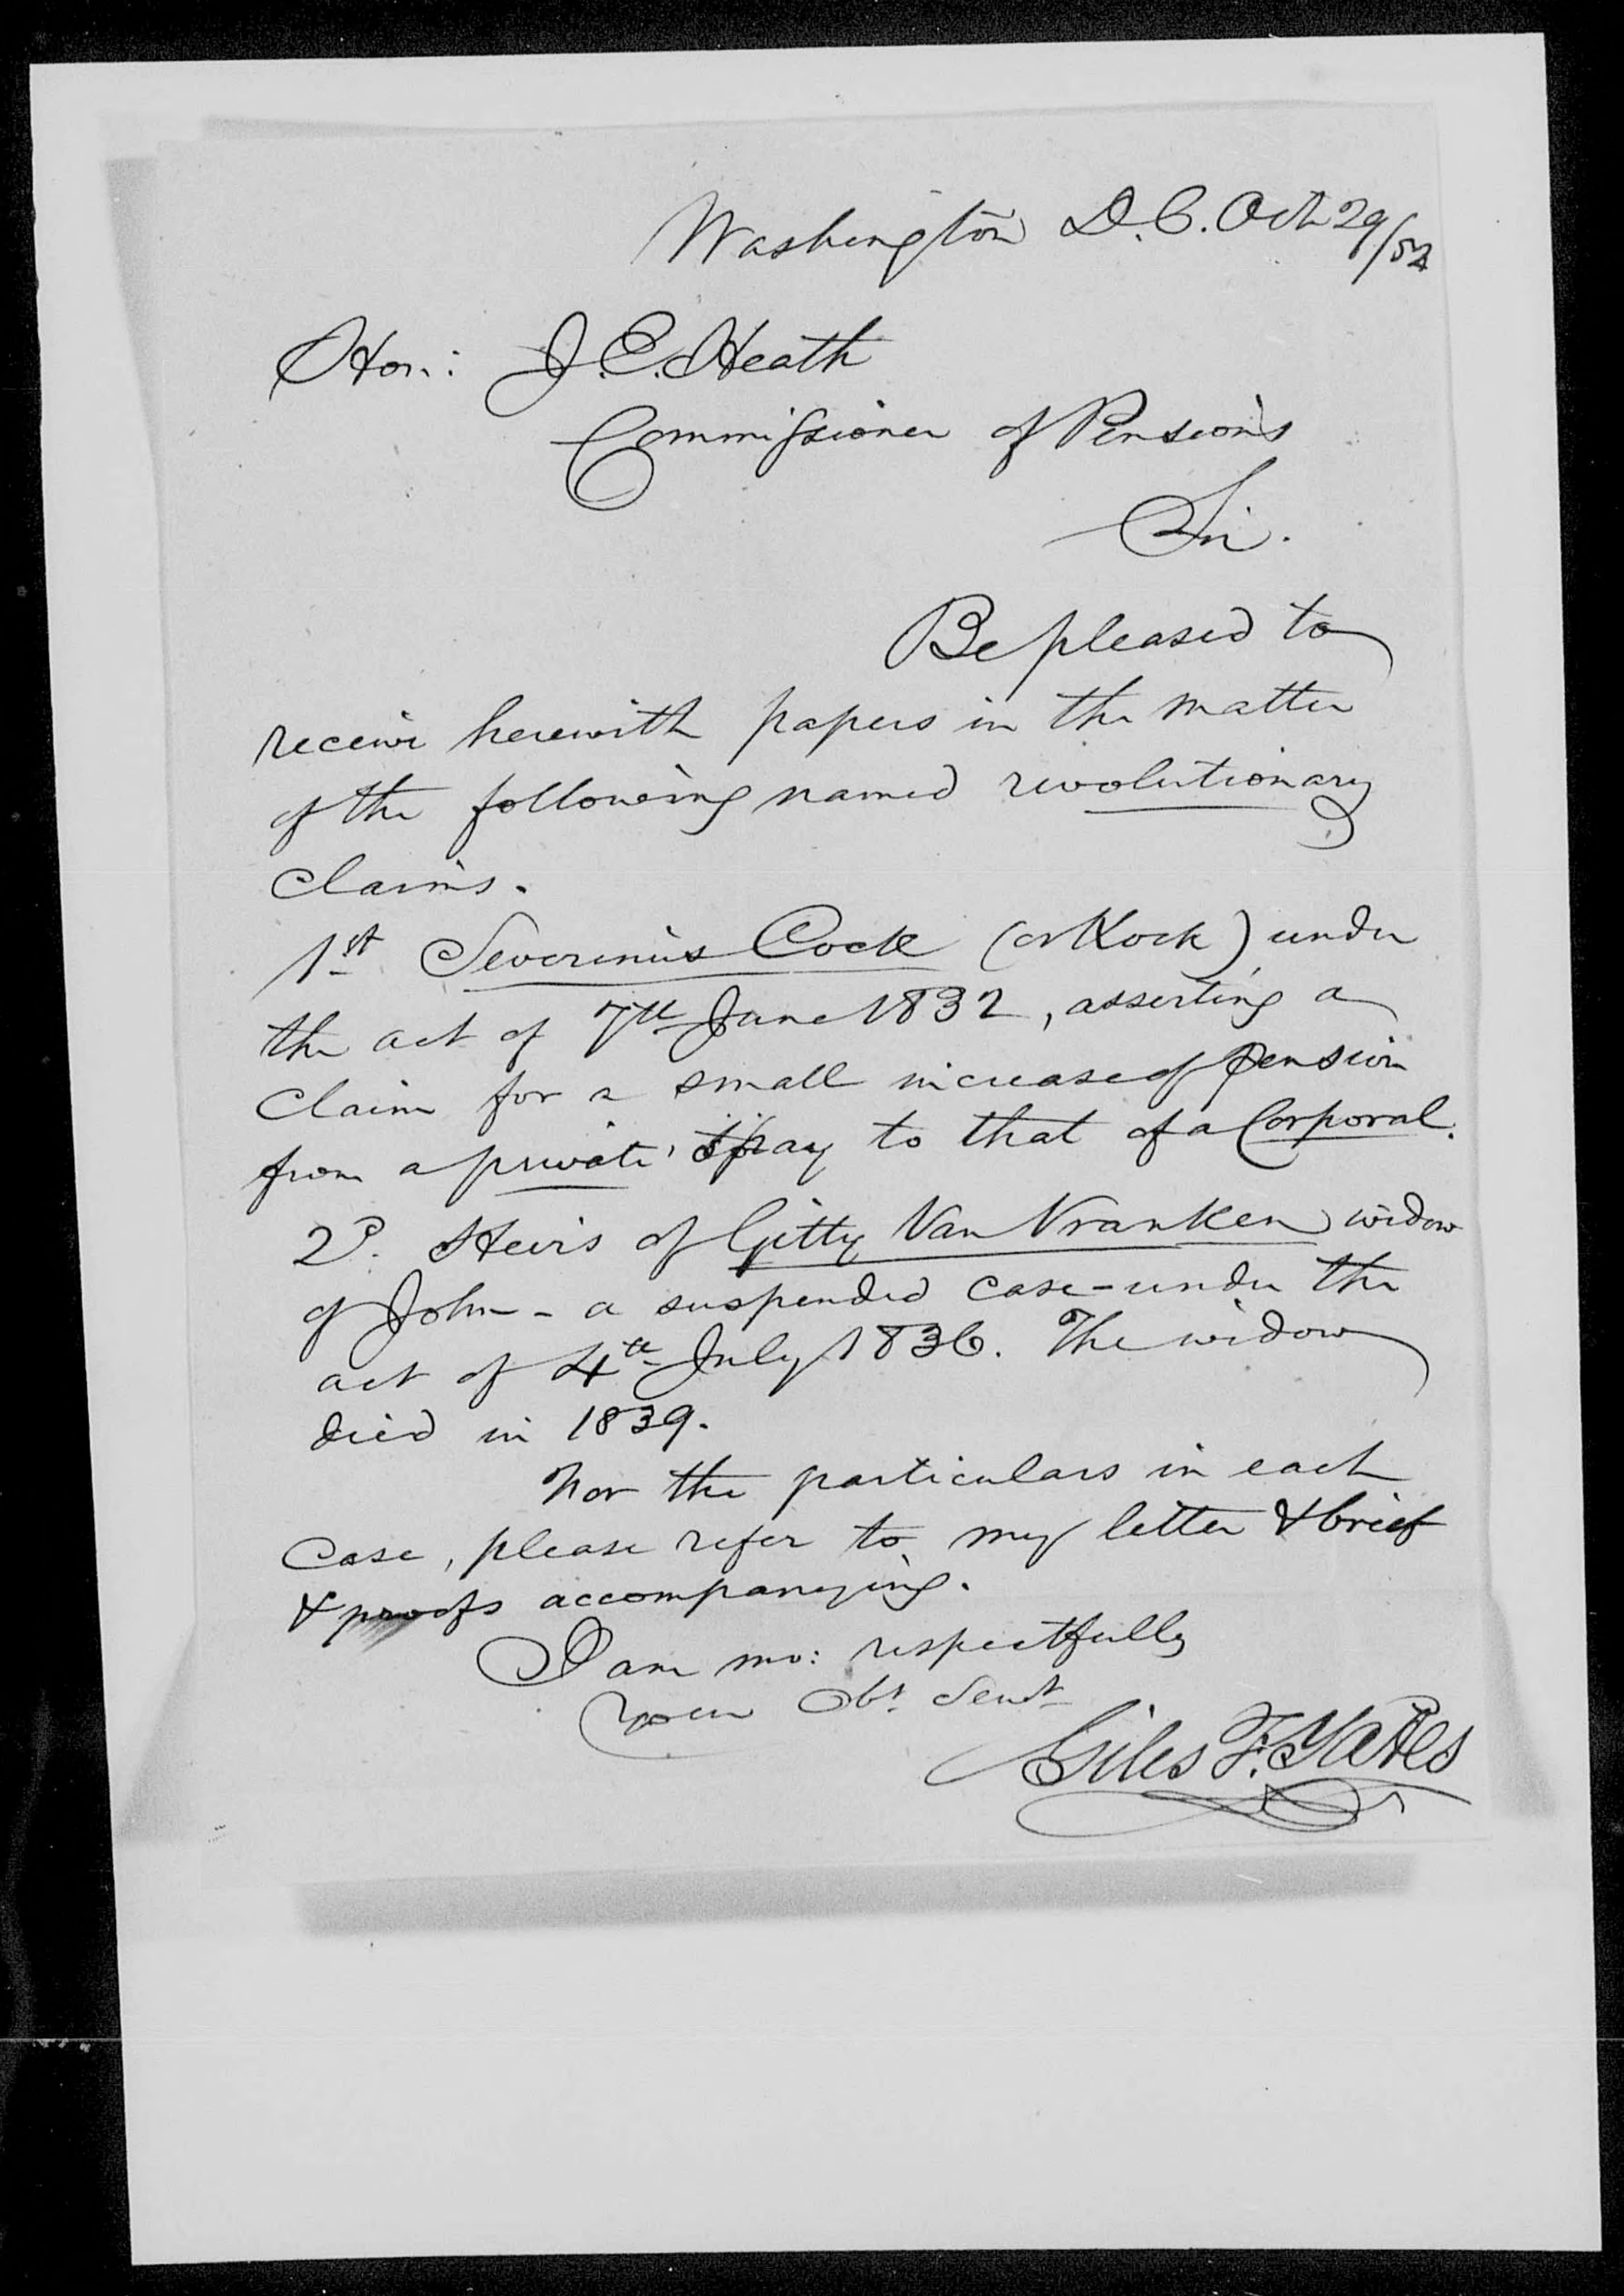Washington D.C. Oct 29/52
Hon: J. E. Heath
Commissioner of Pensions

Sir
Be pleased to receive herewith papers in the matter of the following named revolutionary
claims.

1st Severns Cook (or Kock) under the act of
7th June 1832, asserting a claim for a small increase of pension from a private's pay to that of a Corporal.

2d. Heirs of Gitty Van Vranken widow of John - a suspended case - under the act of 4th July 1836. The widow died in 1839.

For the particulars in each case, please refer to my letter & brief & proofs accompanying.

I am mo: respectfully
Your Obt Servt
Giles F. Yates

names: Severinus Kock, Gitty Van Vranken, John Van Vranken, J E Heath, Severinus Cook, Giles F Yates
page: 34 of 51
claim: survivor's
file: S. 12563, Severinus Cook, New York